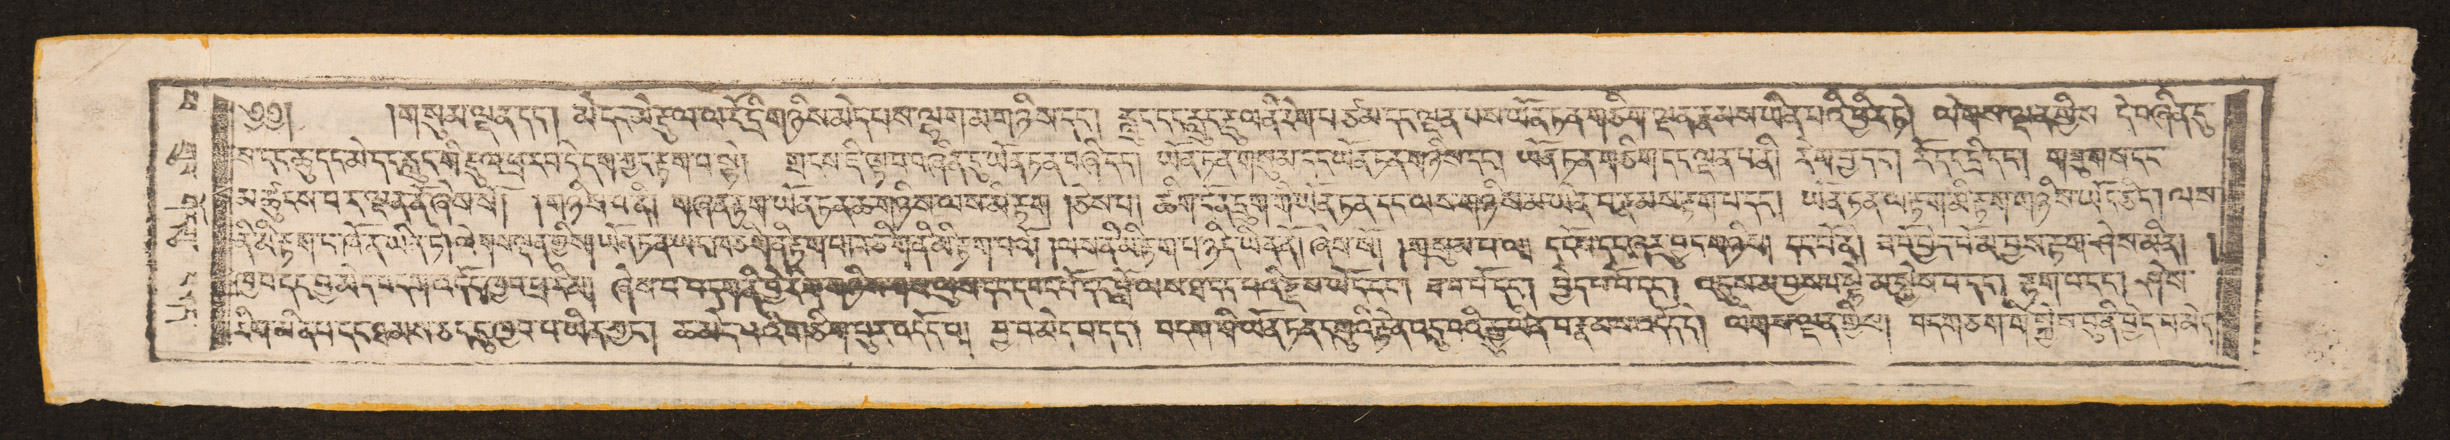༄༅། །གསུམ་ལྡན་དང་། མེ་དང་མེ་རྡུལ་ལ་རོ་དྲི་གཉིས་མེད་པས་ལྷག་མ་གཉིས་དང་། རླུང་དང་རླུང་རྡུལ་ནི་རེག་པ་ཙམ་དང་ལྡན་པས་ཡོན་ཏན་གཅིག་ལྡན་རྣམས་ཡིན་པའི་ཕྱིར་ཏེ། ལེགས་ལྡན་གྱིས་དེ་བཞིན་དུ་
ས་དང་ཆུ་དང་མེ་དང་རླུང་གི་རྡུལ་ཕྲ་རབ་དེ་དག་ཀྱང་རྟག་པ་སྟེ། གྲངས་ཇི་ལྟ་བ་བཞིན་དུ་ཡོན་ཏན་བཞི་དང་། ཡོན་ཏན་གསུམ་དང་ཡོན་ཏན་གཉིས་དང་། ཡོན་ཏན་གཅིག་དང་ལྡན་པ་ནི། རེག་བྱ་དང་། རོ་དང་དྲི་དང་། གཟུགས་དང་
མཚུངས་པར་ལྡན་ནོ་ཞེས་སོ། །གཉིས་པ་ནི། གཞན་རྟག་ཡོན་ཏན་ཆ་གཉིས་ལས་མི་རྟག །ཅེས་པ། ཚིག་དོན་དྲུག་གི་ཡོན་ཏན་དང་ལས་གཉིས་མ་ཡིན་པ་རྣམས་རྟག་པ་དང་། ཡོན་ཏན་ལ་རྟག་མི་རྟག་གཉིས་ཡོད་ཅིང་། ལས་
ནི་མི་རྟག་པ་ཁོ་ན་ཡིན་ཏེ། ལེགས་ལྡན་གྱིས། ཡོན་ཏན་ཡང་ཁ་ཅིག་ནི་རྟག་པ་ཁ་ཅིག་ནི་མི་རྟག་པའོ། །ལས་ནི་མི་རྟག་པ་ཉིད་ཡིན་ནོ། ཞེས་སོ། །གསུམ་པ་ལ། དངོས་དང་ཞར་བྱུང་གཉིས། དང་པོ་ནི། ཟ་བོ་བྱེད་པོ་མ་བྱས་རྟག་ཤེས་མིན།།
ཁྱབ་དང་བྱ་མེད་བདག་འདོད་ཁྱབ་ཕྲ་རིམ། ཞེས་པ་བདག་ནི་བྱེ་རིག་གཉིས་ཀས་ལུས་དང་དབང་པོ་དང་བློ་ལས་ཐ་དད་པའི་རྫས་ཡོད་དང་། ཟ་བ་པོ་དང་། བྱེད་པ་པོ་དང་། འདུས་མ་བྱས་པ་སྟེ་མ་སྐྱེས་པ་དང་། རྟག་པ་དང་། ཤེས་
རིག་མིན་པ་དང་ཐམས་ཅད་དུ་ཁྱབ་པ་ཡིན་ཀྱང་། ཆ་མེད་པའི་གཅིག་པུར་འདོད་པ། བྱ་བ་མེད་པ་དང་། བདག་གི་ཡོན་ཏན་དགུའི་རྟེན་འདུ་བའི་རྒྱུ་ཡིན་པ་རྣམས་འདོད་དེ། ལེགས་ལྡན་གྱིས། བདག་ཅག་གི་སྐྱེས་བུ་ནི་བྱེད་པ་མེད་